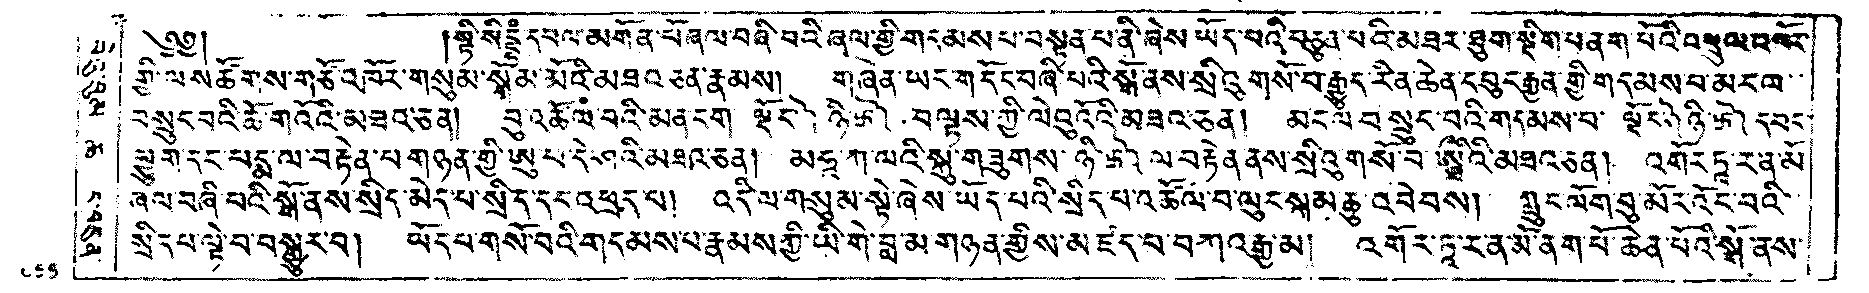༄༅། །སྟི་སིདྡྷཾ་དཔལ་མགོན་པོ་ཞལ་བཞི་པའི་ཞལ་གྱི་གདམས་པ་བསྟན་པ་ནི་ཞེས་ཡོད་པའི་བཅུན་པའི་མཐར་ཐུག་སྡིག་པ་ནག་པོའི་འཕྲུལ་འཁོར་
གྱི་ལས་ཚོགས་གཙོ་འཁོར་གསུམ་སྒོམ་མོའི་མཐའ་ཅན་རྣམས། གཞན་ཡང་གདོང་བཞི་པའི་སྒོ་ནས་སྲིའུ་གསོ་བ་རྒྱུད་རིན་ཆེན་དཔུང་རྒྱན་གྱི་གདམས་པ་མངལ་
བསྲུང་བའི་ཆོ་གའོའི་མཐའ་ཅན། བུ་འཚོལ྾་བའི་མན་ངག་ལྡོང྄་ཉི~྾?་བལྟས་ཀྱི་ལེའུའོའི་མཐའ་ཅན། མངལ་བསྲུང་བའི་གདམས་པ་ལྡོང྄་ཉི~྾?་དབང་
ཕྱུག་དང་པདམ་ལ་བརྟེན་པ་གཉན་གྱི་ཨུ་པ་དེ་ཤའི་མཐའ་ཅན། མཧཱ་ཀ་ལའི་སྐུ་གཟུགས་ཉི~྾?་ལ་བརྟེན་ནས་སྲིའུ་གསོ་བ་ཨྀཐིའི་མཐའ་ཅན། འགོར་ཏཱ་ར་ན་མོ་
ཞལ་བཞི་པའི་སྒོ་ནས་སྲིད་མེད་པ་སྲིད་དང་འཕྲད་པ། འདི་ལ་གསུམ་སྟེ་ཞེས་ཡོད་པའི་སྲིད་པ་འཚོལ་བ་ལུང་སྐམ་ཆུ་འབེབས། ཀླུང་ལོག་བུ་མོར་འོང་བའི་
སྲིད་པ་ལྟེ་བ་བསྒྱུར་བ། ཡོད་པ་གསོ་བའི་གདམས་པ་རྣམས་ཀྱི་ཡི་གེ་བླ་མ་གཉན་གྱིས་མཛད་པ་བཀའ་རྒྱ་མ། འགོར་ཏཱ་ར་ན་མོ་ནག་པོ་ཆེན་པོའི་སྒོ་ནས་